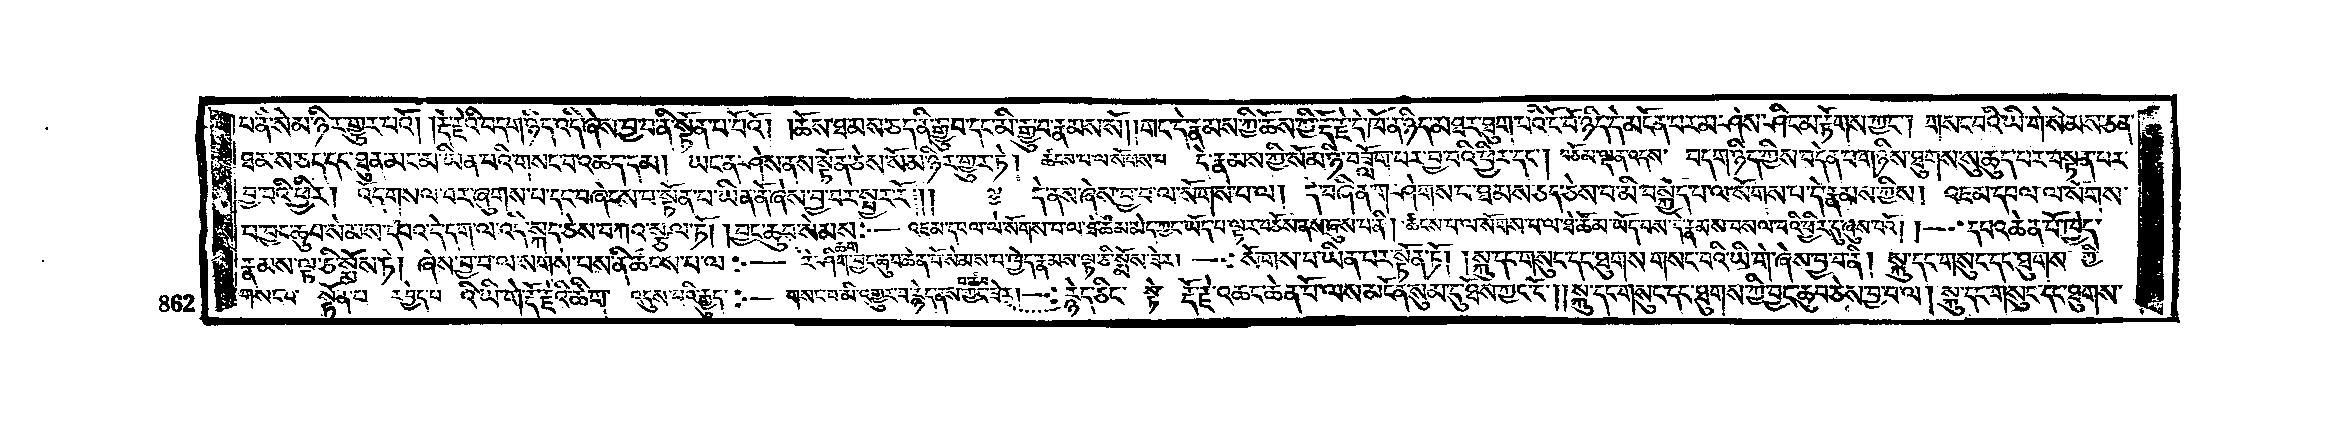པ་ནི་སེམ་ཉིར་གྱུར་པའོ། །རྡོ་རྗེའི་བདག་ཉིད་འདི་ཞེས་བྱ་བ་ནི་སྟོན་པ་པོའོ། །ཆོས་ཐམས་ཅད་ནི་རྒྱུ་བ་དང་མི་རྒྱུ་བ་རྣམས་སོ། །གང་དེ་རྣམས་ཀྱི་ཆོས་ཀྱི་རྡོ་རྗེ་དེ་ཁོ་ན་ཉིད་མཐར་ཐུག་པའི་ངོ་བོ་ཉིད་དེ་མངོན་པར་མ་ཤེས་ཤིང་མ་རྟོགས་ཀྱང་། གསང་བའི་ཡི་གེ་སེམས་ཅན་
ཐམས་ཅད་དང་ཐུན་མོང་མ་ཡིན་པའི་གསང་བ་འཆད་དམ། ཡང་ན་ཤེས་ནས་སྟོན་ཅེས་སོམ་ཉིར་གྱུར་ཏེ། ཚངས་པ་ལ་སོགས་པ་དེ་རྣམས་ཀྱི་སོ་མ་ཉི་བཟློག་པར་བྱ་བའི་ཕྱིར་དང་། བཅོམ་ལྡན་འདས་བདག་ཉིད་ཀྱིས་བདེན་པ་གཉིས་ཐུགས་སུ་ཆུད་པར་བསྟན་པར་
བྱ་བའི་ཕྱིར། འོད་གསལ་བར་ཞུགས་པ་དང་བཞེངས་པ་སྟོན་པ་ཡིན་ནོ་ཞེས་བྱ་བར་སྦྱར་རོ།། ༈ དེ་ནས་ཞེས་བྱ་བ་ལ་སོགས་པ་ལ། དེ་བཞིན་གཤེགས་པ་ཐམས་ཅད་ཅེས་པ་མི་བསྐྱོད་པ་ལ་སོགས་པ་དེ་རྣམས་ཀྱིས། འཇམ་དཔལ་ལ་སོགས་
པ་བྱང་ཆུབ་སེམས་དཔའ་དེ་དག་ལ་འདི་སྐད་ཅེས་བཀའ་སྩལ་ཏོ། །བྱང་ཆུ་སེམསཿ་འཇམ་དཔལ་ལ་སོགས་པ་ལ་ཐེ་ཚོམ་མེད་ཀྱང་ཡོད་པ་ལྟར་བཅོས་ནས་ཞུས་པ་ནི། ཚངས་པ་ལ་སོགས་པ་ལ་ཐེ་ཚོམ་ཡོད་པས་དེ་རྣམས་བསལ་བའི་ཕྱིར་དུ་ཞུས་པའོ།། .H དཔའ་ཆེན་པོ་ཁྱེད་
རྣམས་ལྟ་ཅི་སྨས་ཏེ། ཞེས་བྱ་བ་ལ་སོགས་པས་ནི་ཚངས་པ་ལཿ་རེ་ཞིག་བྱང་ཆུབ་ཆེན་པོ་སེམས་པ་ཁྱེད་རྣམས་ལྟ་ཅི་སྨོས་ཟེར། .H སོགས་པ་ཡིན་པར་སྟོན་ཏོ། །སྐུ་དང་གསུང་དང་ཐུགས་གསང་བའི་ཡི་གེ་ཞེས་བྱ་བ་ནི། སྐུ་དང་གསུང་དང་ཐུགས་ཀྱི་
གསང་བ་སྟོན་པར་བྱེད་པའི་ཡི་གེ་རྡོ་རྗེའི་ཚིག་འདུས་པའི་རྒྱུདཿ་གསང་བ་མི་འགྱུར་བ་རྙེད་ནས་པ་ཚབ་ཀྱང་ཟེར། .H རྙེད་ཅིང་སྟེ་རྡོ་རྗེ་འཆང་ཆེན་པོ་ལས་མངོན་སུམ་དུ་ཐོས་ཀྱང་ངོ། །སྐུ་དང་གསུང་དང་ཐུགས་ཀྱི་བྱང་ཆུབ་ཅེས་བྱ་བ་ལ། སྐུ་དང་གསུང་དང་ཐུགས་